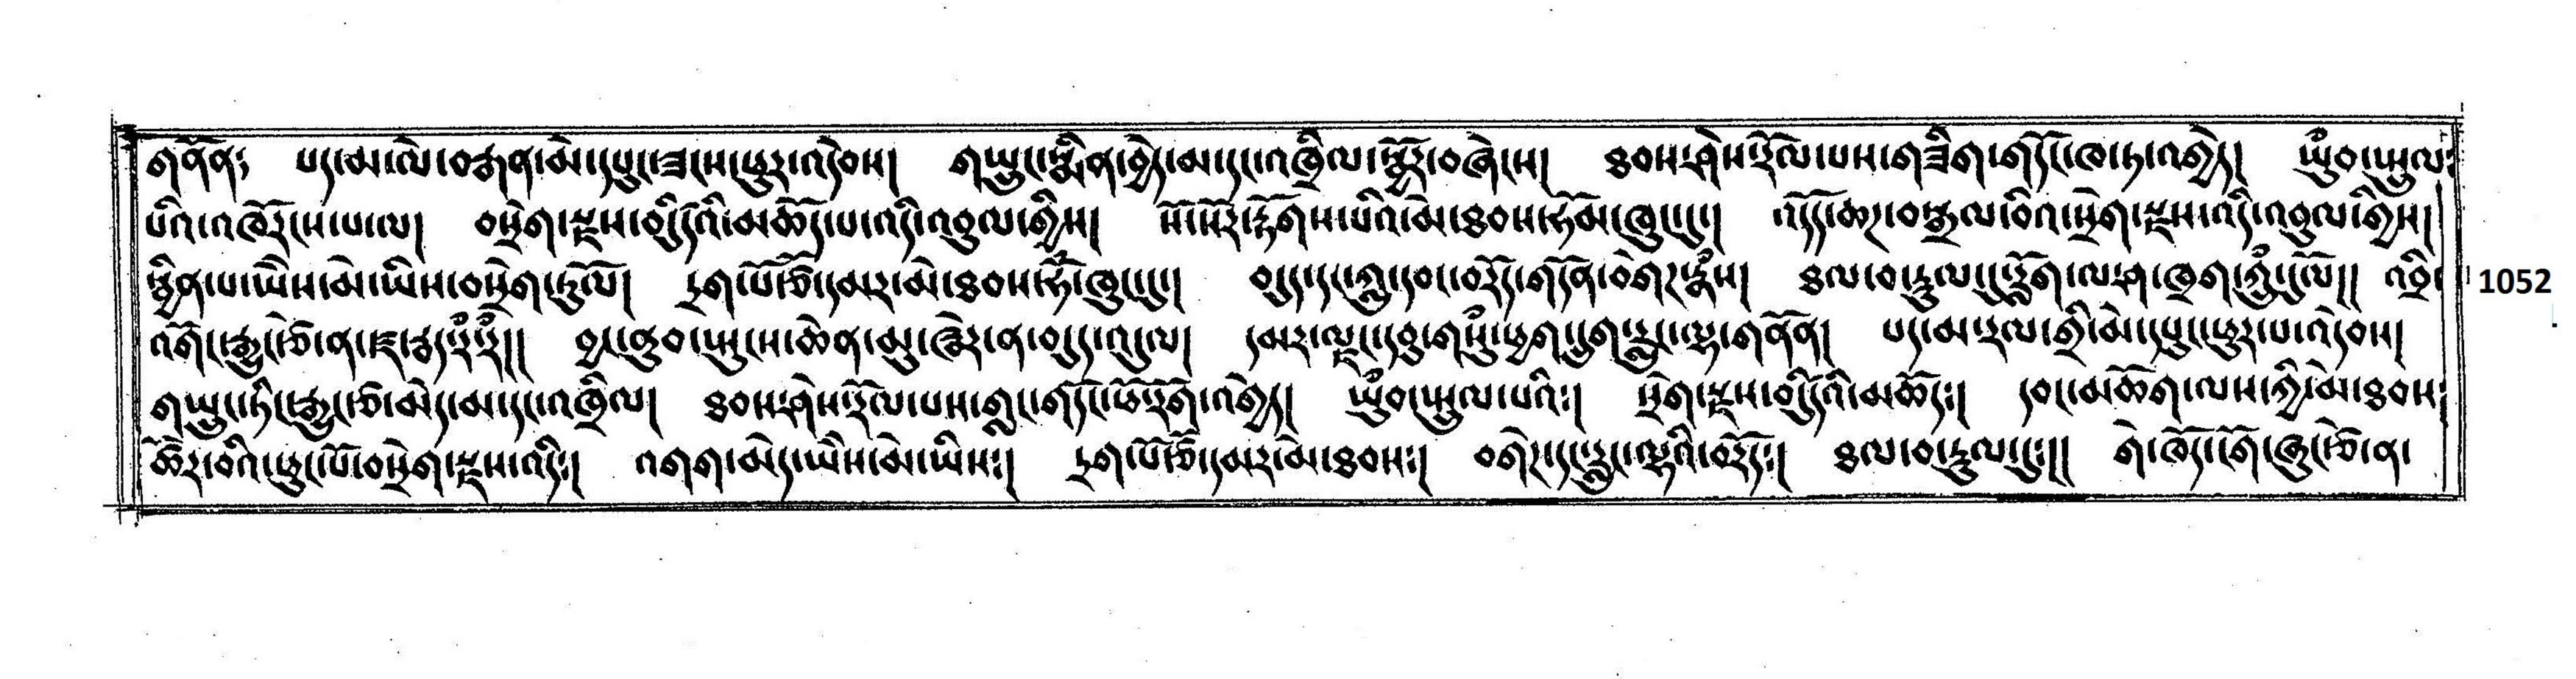གནོན། པད་མ་ལེ་བརྒན་མེ་དཔུང་ཟངས་ཕུར་འདེབས། གཡུང་དྲུང་སྨིན་བྱེད་མ་དང་འཁྲིལ་སྦྱོར་བཞེངས། ཐབས་ཤེས་རོལ་པས་གཟིག་གདོང་ཁ་ཏ་འགྱེད། ཡབ་ཡུམ་སྤྲུལ་
པའི་འཁོར་དང་བཅས་པ་ལ། བསྲེག་རྫས་བདུད་རྩིའི་མཆོད་པ་འདི་འབུལ་གྱིས། སོ་སོར་རྟོགས་པའི་མེ་ཐབས་ཧོམ་ཁུང་དུ། འདོད་ཆགས་བསྒྲལ་བའི་སྲེག་རྫས་འདི་འབུལ་གྱིས། 
སྦྱིན་པ་ཡེ་ཤེས་མེ་ཡིས་བསྲེག་ཏུ་གསོལ། དྲག་པོ་ཙོ་དམར་མེ་ཐབས་ཧོམ་ཁུང་དུ། བདུད་དང་ཀླུ་དབང་བར་ཆོད་གདོན་བགེགས་རྣམས། ཐལ་བ་རྡུལ་དུ་རློག་ལ་ཤ་ཁྲག་ཀྲུམ་དུ་གསོལ།། འབྲི་
འགོང་རྒྱུང་ཙེ་ན་ཛ་རྦད་རཾ་རཾ།། བྱང་ནུབ་སྤུངས་ཆེན་མུ་ཝེར་ན་བདུད་འདུལ། དམར་ལྗང་དབུ་གསུམ་ཕྱག་དྲུག་རླུང་ལྷ་གནོན། པད་མ་རལ་གྲི་མེ་དཔུང་ཕུར་པ་འདེབས། 
གཡུང་དྲུང་ཏིང་རྒྱུང་ཙ་མེད་མ་དང་འཁྲིལ། ཐབས་ཤེས་རོལ་པས་གླང་གདོང་ཕོ་རོག་འགྱེད། ཡབ་ཡུམ་སྤྲུལ་པའི༴། སྲེག་རྫས་བདུད་རྩིའི་མཆོད༴། དབང་མཆོག་ལས་ཀྱི་མེ་ཐབས༑ 
ཚོར་བའི་ཕུང་པོ་བསྲེག་རྫས་འདི༴། འགག་མེད་ཡེ་ཤེས་མེ་ཡིས༴། དྲག་པོ་ཙོ་དམར་མེ་ཐབས༴། བགེགས་དང་རླུང་ལྷའི་བར་ཆོད༴། ཐལ་བ་རྡུལ་དུ༴།། གེ་ཁོད་ངོག་ཞུང་ཙེ་ན་